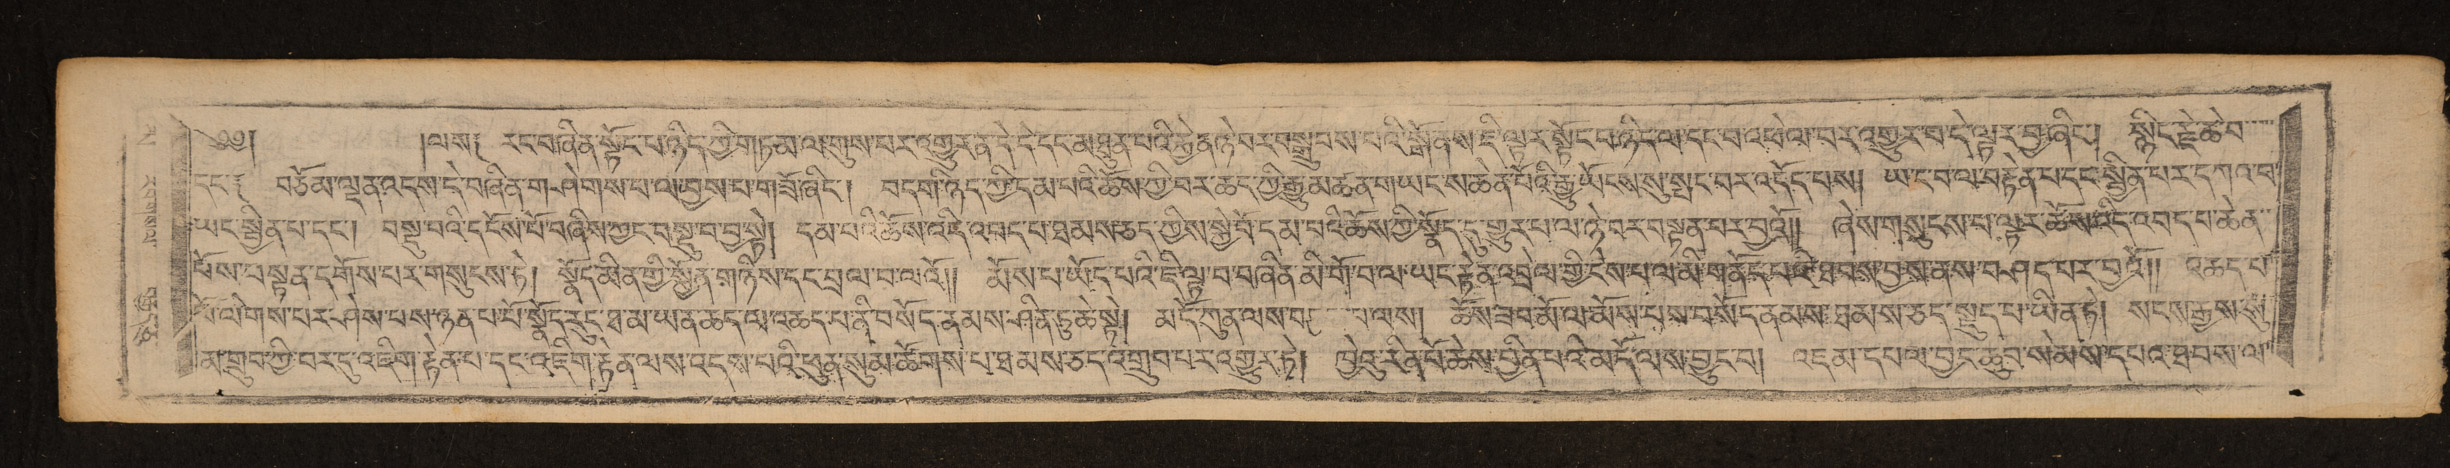༄༅། །ལས། རང་བཞིན་སྟོང་པ་ཉིད་ཀྱི་གཏམ་ལ་གུས་པར་འགྱུར་ན་དེ་དེ་དང་མཐུན་པའི་རྐྱེན་ཉེ་བར་བསྒྲུབས་པའི་སྒོ་ནས་ཇི་ལྟར་སྟོང་པ་ཉིད་ལ་དང་བ་འཕེལ་བར་འགྱུར་བ་དེ་ལྟར་བྱ་ཞིང་། སྙིང་རྗེ་ཆེ་བ་
དང་། བཅོམ་ལྡན་འདས་དེ་བཞིན་གཤེགས་པ་ལ་བྱས་པ་གཟོ་ཞིང་། བདག་ཉིད་ཀྱི་དམ་པའི་ཆོས་ཀྱི་བར་ཆད་ཀྱི་རྒྱུ་མཚན་གཡང་ས་ཆེན་པོའི་རྒྱུ་ཡོངས་སུ་སྤང་བར་འདོད་པས། ཡ་ང་བ་ལ་བརྟེན་པ་དང་སྦྱིན་པར་དཀའ་བ་
ཡང་སྦྱིན་པ་དང་། བསྡུ་བའི་དངོས་པོ་བཞིས་ཀྱང་བསྡུ་བ་བྱ་སྟེ། དམ་པའི་ཆོས་འདི་འབད་པ་ཐམས་ཅད་ཀྱིས་སྐྱེ་བོ་དམ་པའི་ཆོས་ཀྱི་སྣོད་དུ་གྱུར་པ་ལ་ཉེ་བར་བསྟན་པར་བྱའོ།། ཞེས་གསུངས་པ་ལྟར་ཆོས་འདི་འབད་པ་ཆེན་
པོས་བསྟན་དགོས་པར་གསུངས་ཏེ། སྣོད་མིན་གྱི་སྐྱོན་གཉིས་དང་བྲལ་བ་ལའོ།། མོས་པ་ཡོད་པའི་ཇི་ལྟ་བ་བཞིན་མི་གོ་བ་ལ་ཡང་རྟེན་འབྲེལ་གྱི་ངེས་པ་ལ་མི་གནོད་པའི་ཐབས་བྱས་ནས་བཤད་པར་བྱའོ།། འཆད་པ་
པོ་ལེགས་པར་ཤེས་པས་ཉན་པ་པོ་སྣོད་རུང་ཐ་མ་ཡན་ཆད་ལ་འཆད་པ་ནི་བསོད་ནམས་ཤིན་ཏུ་ཆེ་སྟེ། མདོ་ཀུན་ལས་བཏུས་པ་ལས། ཆོས་ཟབ་མོ་ལ་མོས་པས་བསོད་ནམས་ཐམས་ཅད་སྡུད་པ་ཡིན་ཏེ། སངས་རྒྱས་སུ་
མ་གྲུབ་ཀྱི་བར་དུ་འཇིག་རྟེན་པ་དང་འཇིག་རྟེན་ལས་འདས་པའི་ཕུན་སུམ་ཚོགས་པ་ཐམས་ཅད་འགྲུབ་པར་འགྱུར་ཏེ། ཁྱེའུ་རིན་པོ་ཆེས་བྱིན་པའི་མདོ་ལས་བྱུང་བ། འཇམ་དཔལ་བྱང་ཆུབ་སེམས་དཔའ་ཐབས་ལ་